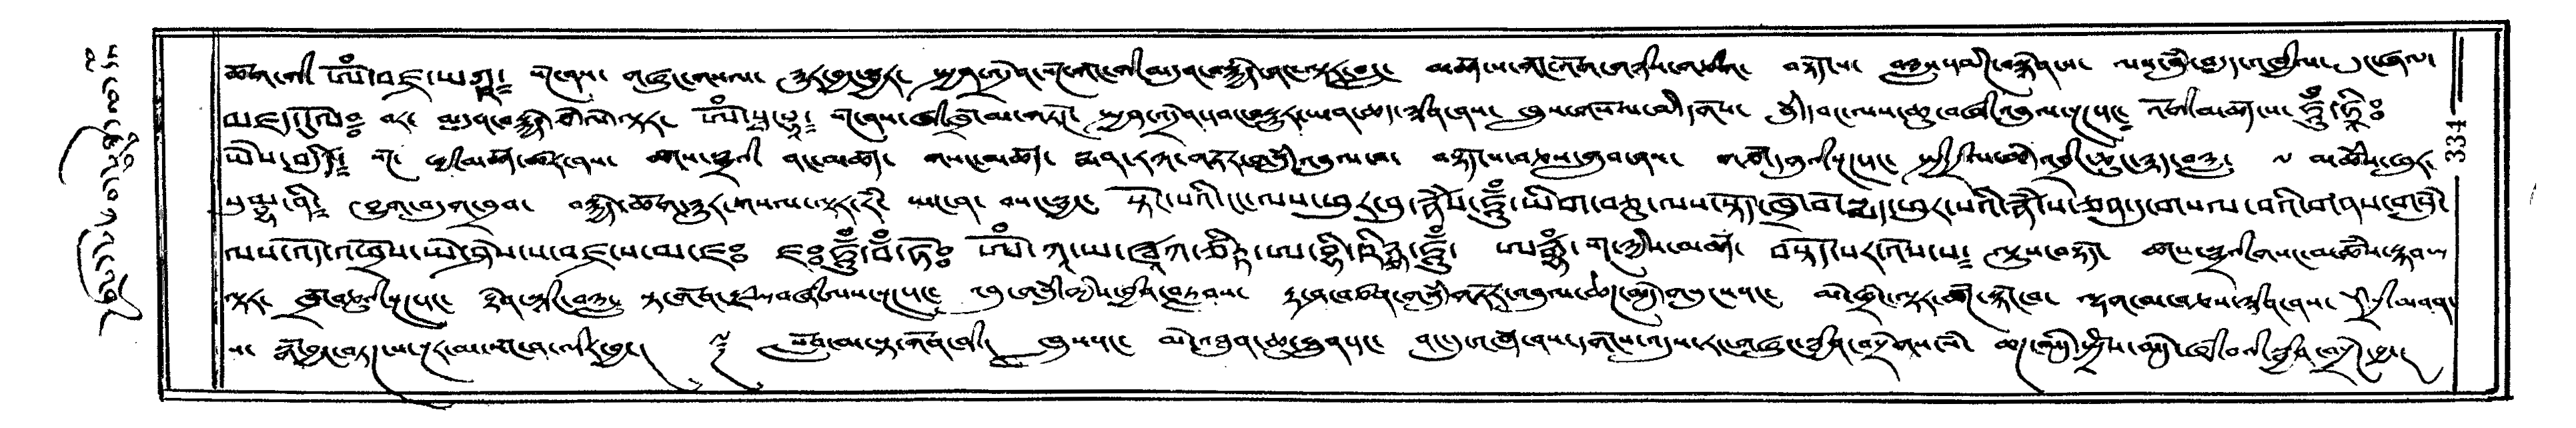ཆོག་གི ཨོཾ་བཛྲ་ཡཀྵ༴ སོགས་ནས། གཞུང་གསལ་ཟུར་བྱང་སྦྱར། སྤྱན་འདྲེན་སོགས་གོང་གི་མདུན་བསྐྱེད་ནང་ལྟར་བླང་། མཆོད་པ་གོང་འོག་གཉིས་གང་རུང་གཅིག བསྟོད་པ། བཟླས་དམིགས་བསྙེན་པ། ལས་བུམ་བདུད་འཁྱིལ། དུང་ཞལ། 
མཛད་དུ་གསོལ༔ བར། མདུན་བསྐྱེད་ཙེ་ལེ་ལྟར། ཨོཾ་སྭ་བྷཱཝ༴ སོགས་ནས་ཞི་ཁྲོ་མ་གཏོགས་སྤྱན་འདྲེན་དབང་བསྐུར་ཡན་ཆད་ཟིན་ནས། ཁྲུས་གསོལ་མི་དགོས། བུམ་དབང་ལས་ཆུ་བཞི་འབུལ་སྔགས་དང་། འོག་གི་མཆོད་པ། ཧཱུྃ་ཧྲཱིཿ 
ཡེ་ཤེས་བདུད་རྩི༴ སོགས་ཕྱི་མཆོད་ཚར་ནས་ཚངས་སྒྲའི་ནང་མཆོད། གསང་མཆོད། སྨན་རཀ་གཏོར་གསུམ་འབུལ་བ། བསྟོད་པ་བཅས་གྲུབ་ནས། གཙོ་དགུའི་སྔགས་དང་སྤྱི་དྲིལ་ཆེ་འབྲིང་ཅུང་ཟད་བཟླ། མཚམས་ཕུར། 
སུམྦྷ་ནི༴ བྱུག་བདུག་བྲབ། བསྐྱེད་མཆོག་ཟུར་གསལ་ལྟར་རམ་ཡང་ན། བསང་སྦྱང་། སྟོང་པའི་ངང་ལས་ཕུར་བུ་རྣམས་ཧཱུྃ་ཡིག་བཅུ་ལས་སྟོད་ཁྲོ་བོ་སྨད་ཕུར་པའི་རྣམ་པ་ཅན་དུ་གསལ་བའི་གནས་གསུམ་
ལས་འོད་འཕྲོས། ཡེ་ཤེས་པ་བཛྲ་ས་མ་ཛཿ ཛཿཧཱུྃ་བྃ་ཧོཿ ཨོཾ་ཀཱ་ཡ་ཝཱཀྐ་ཙིཏྟ་ཨ་བྷི་རིཉྩ་ཧཱུྃ༔ ཨརྒྷཾ་སོགས་ཀྱིས་མཆོད། བསྟོད་པར་འོས་པ༴ ལྟ་བུས་བསྟོད།ཚངས་སྒྲའི་གསང་མཚམས་སྐབས་
ལྟར་ ཁྲོ་བཅུའི་སྔགས་དང་། རྟེན་སྙིང་བཟླ། སྟ་གོན་རྫས་བཞི་ལས་སྔགས་དང་འབྲུ་གསུམ་ཀྱིས་བྱིན་རླབ། རྟ་ཤ་བཙན་གསུམ་གྱི་གཏོར་འབུལ་ཆགས་མེད་གསུང་དང་། མེ་ཕྲེང་ལྟར་ཚོགས། སྐོང་བ། ལྷག་མ་བཅས་ཟིན་ནས། དམ་སྲི་མནན་
པ། སྒོ་བྱང་བཏགས་པ་སྔར་མ་སོང་ན་འདིར་བྱ། སློབ་མ་སྟ་གོན་ནི། ཁྲུས་དང་། མེ་ཐུན་ཆུ་ཐུན་བཅས་བྱ། ནང་དུ་འཁོད་ནས་དགོངས་འདུས་རང་གཞུང་སྦྱིན་སྲེག་གམ། ཆགས་མེད་སྤྲོས་མེད་ཞི་བའི་སྦྱིན་སྲེག་བྱ།